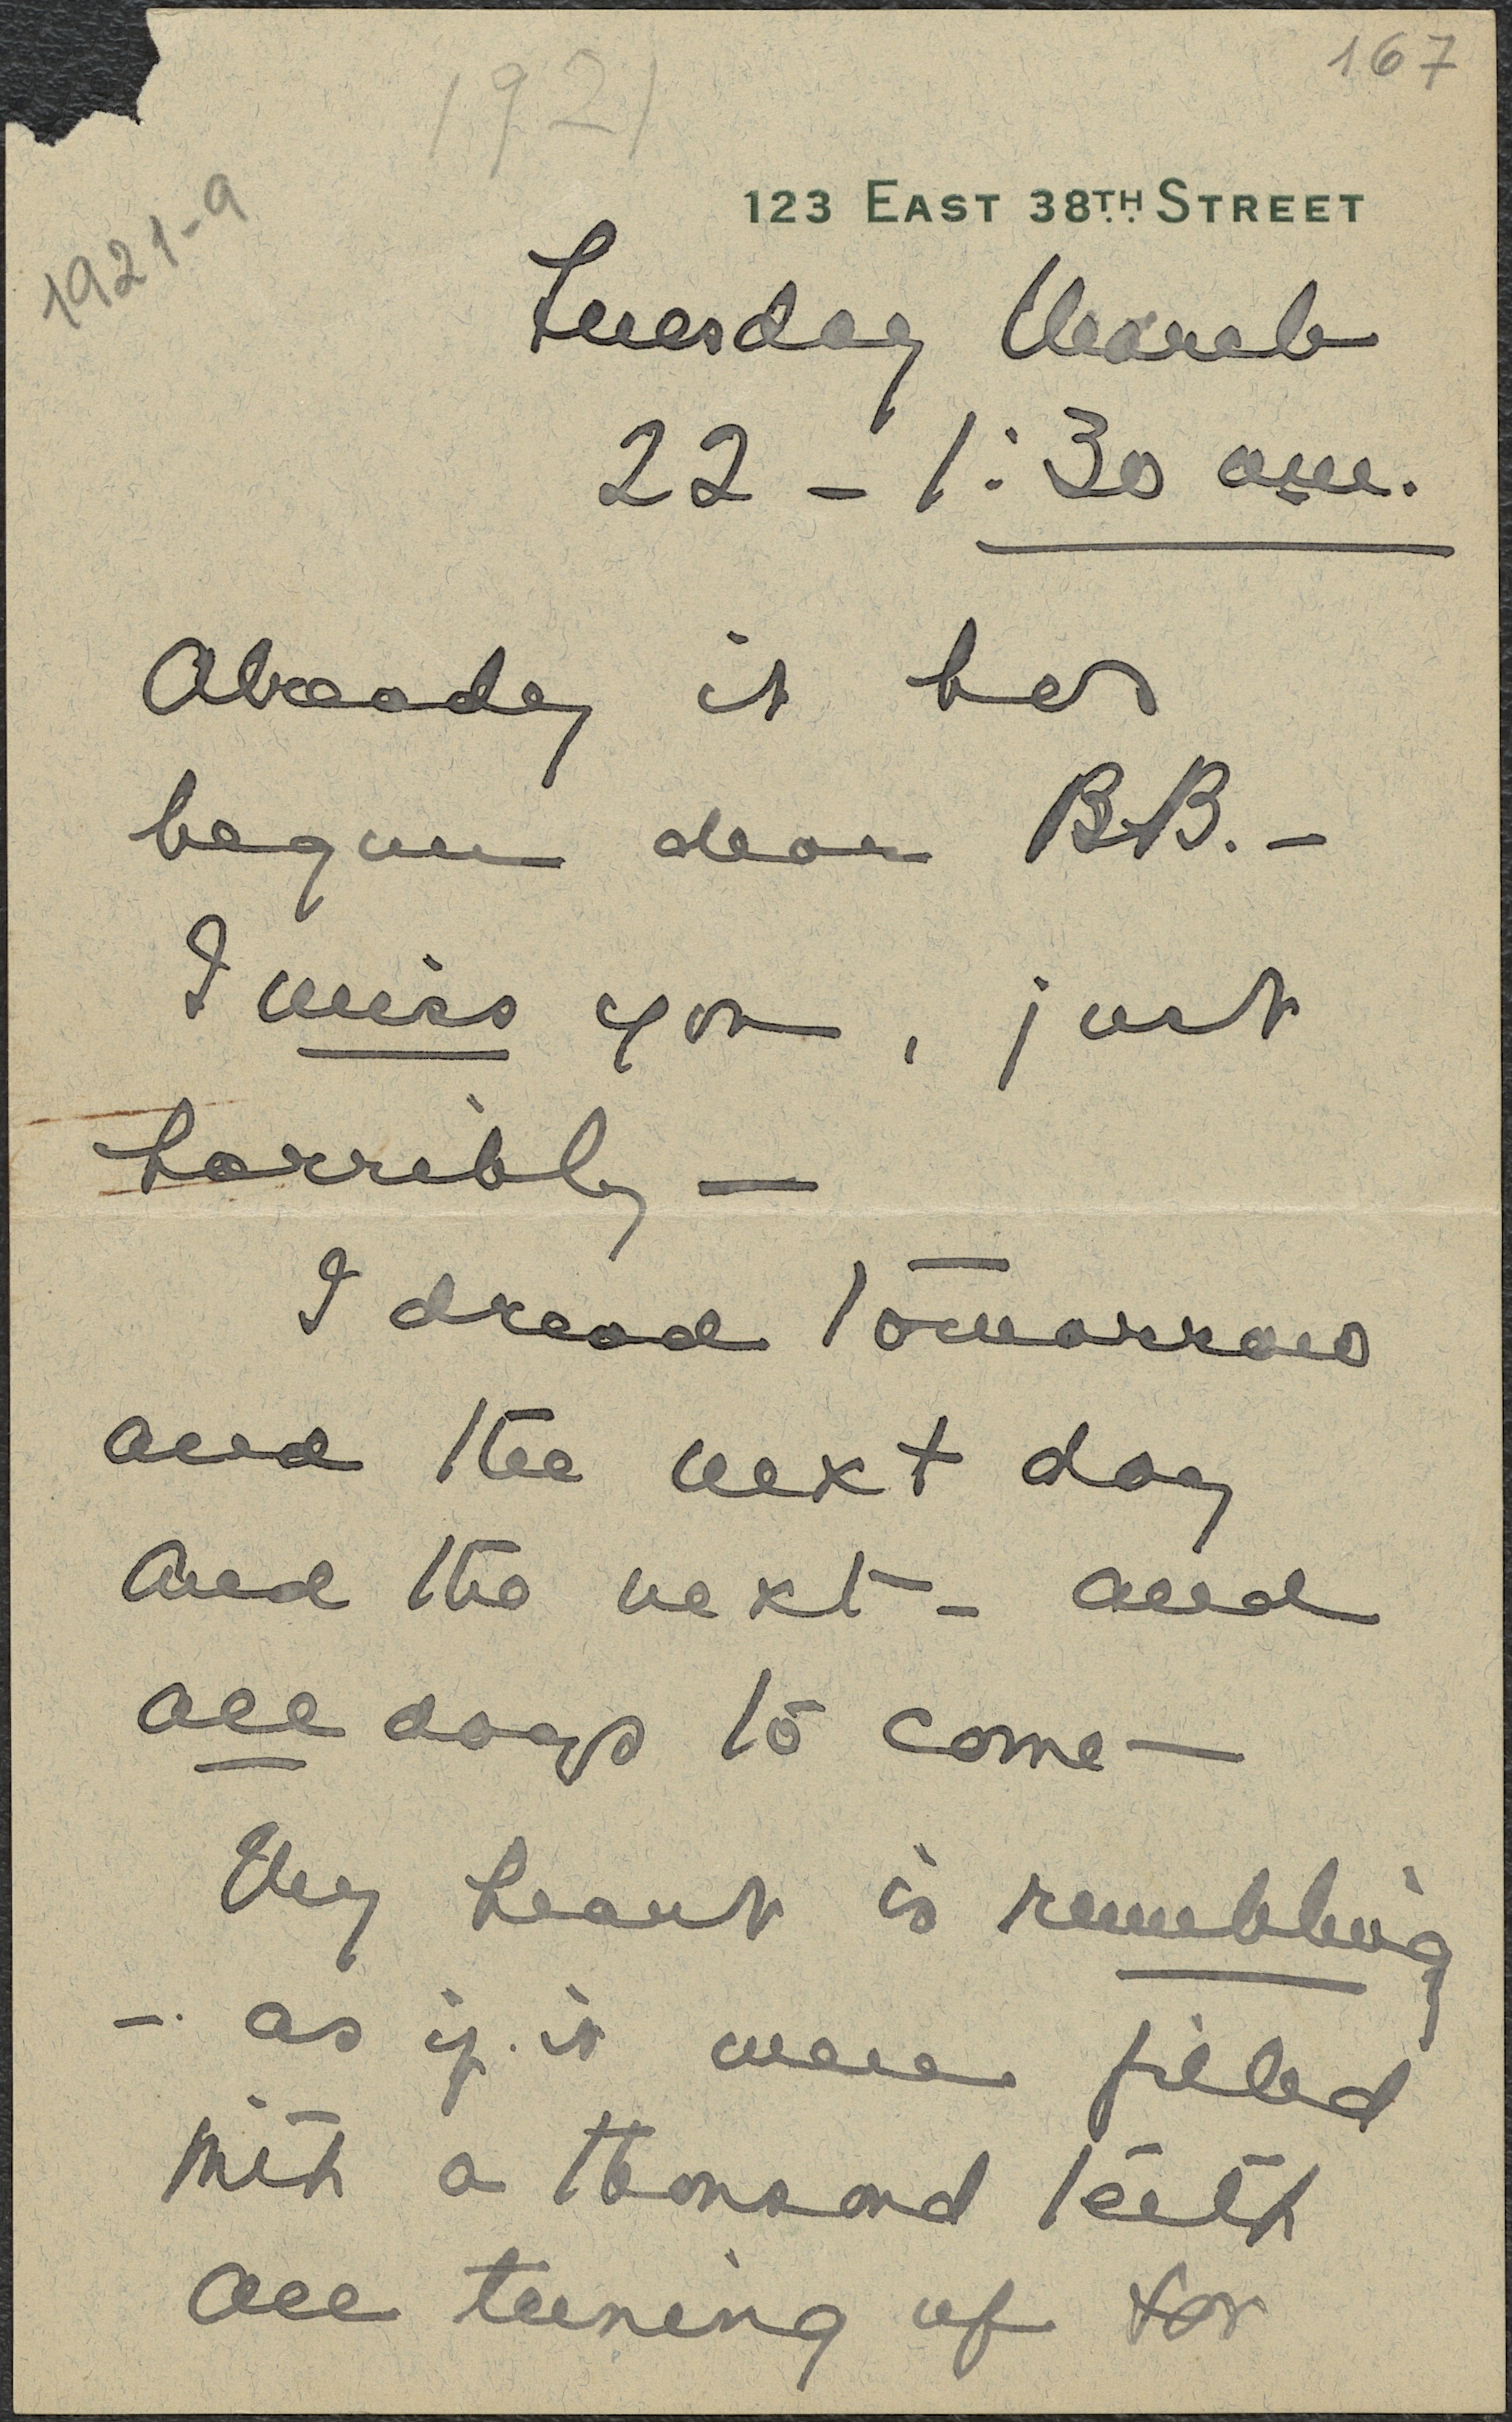Tuesday March
22 – 1:30 a.m.
Already it has begun dear BB. –
I miss you, just horribly –
I dread tomorrow and the next day and the next and all days to come –
My heart is rumbling – as if it were filled with a thousand teeth all tuning up for